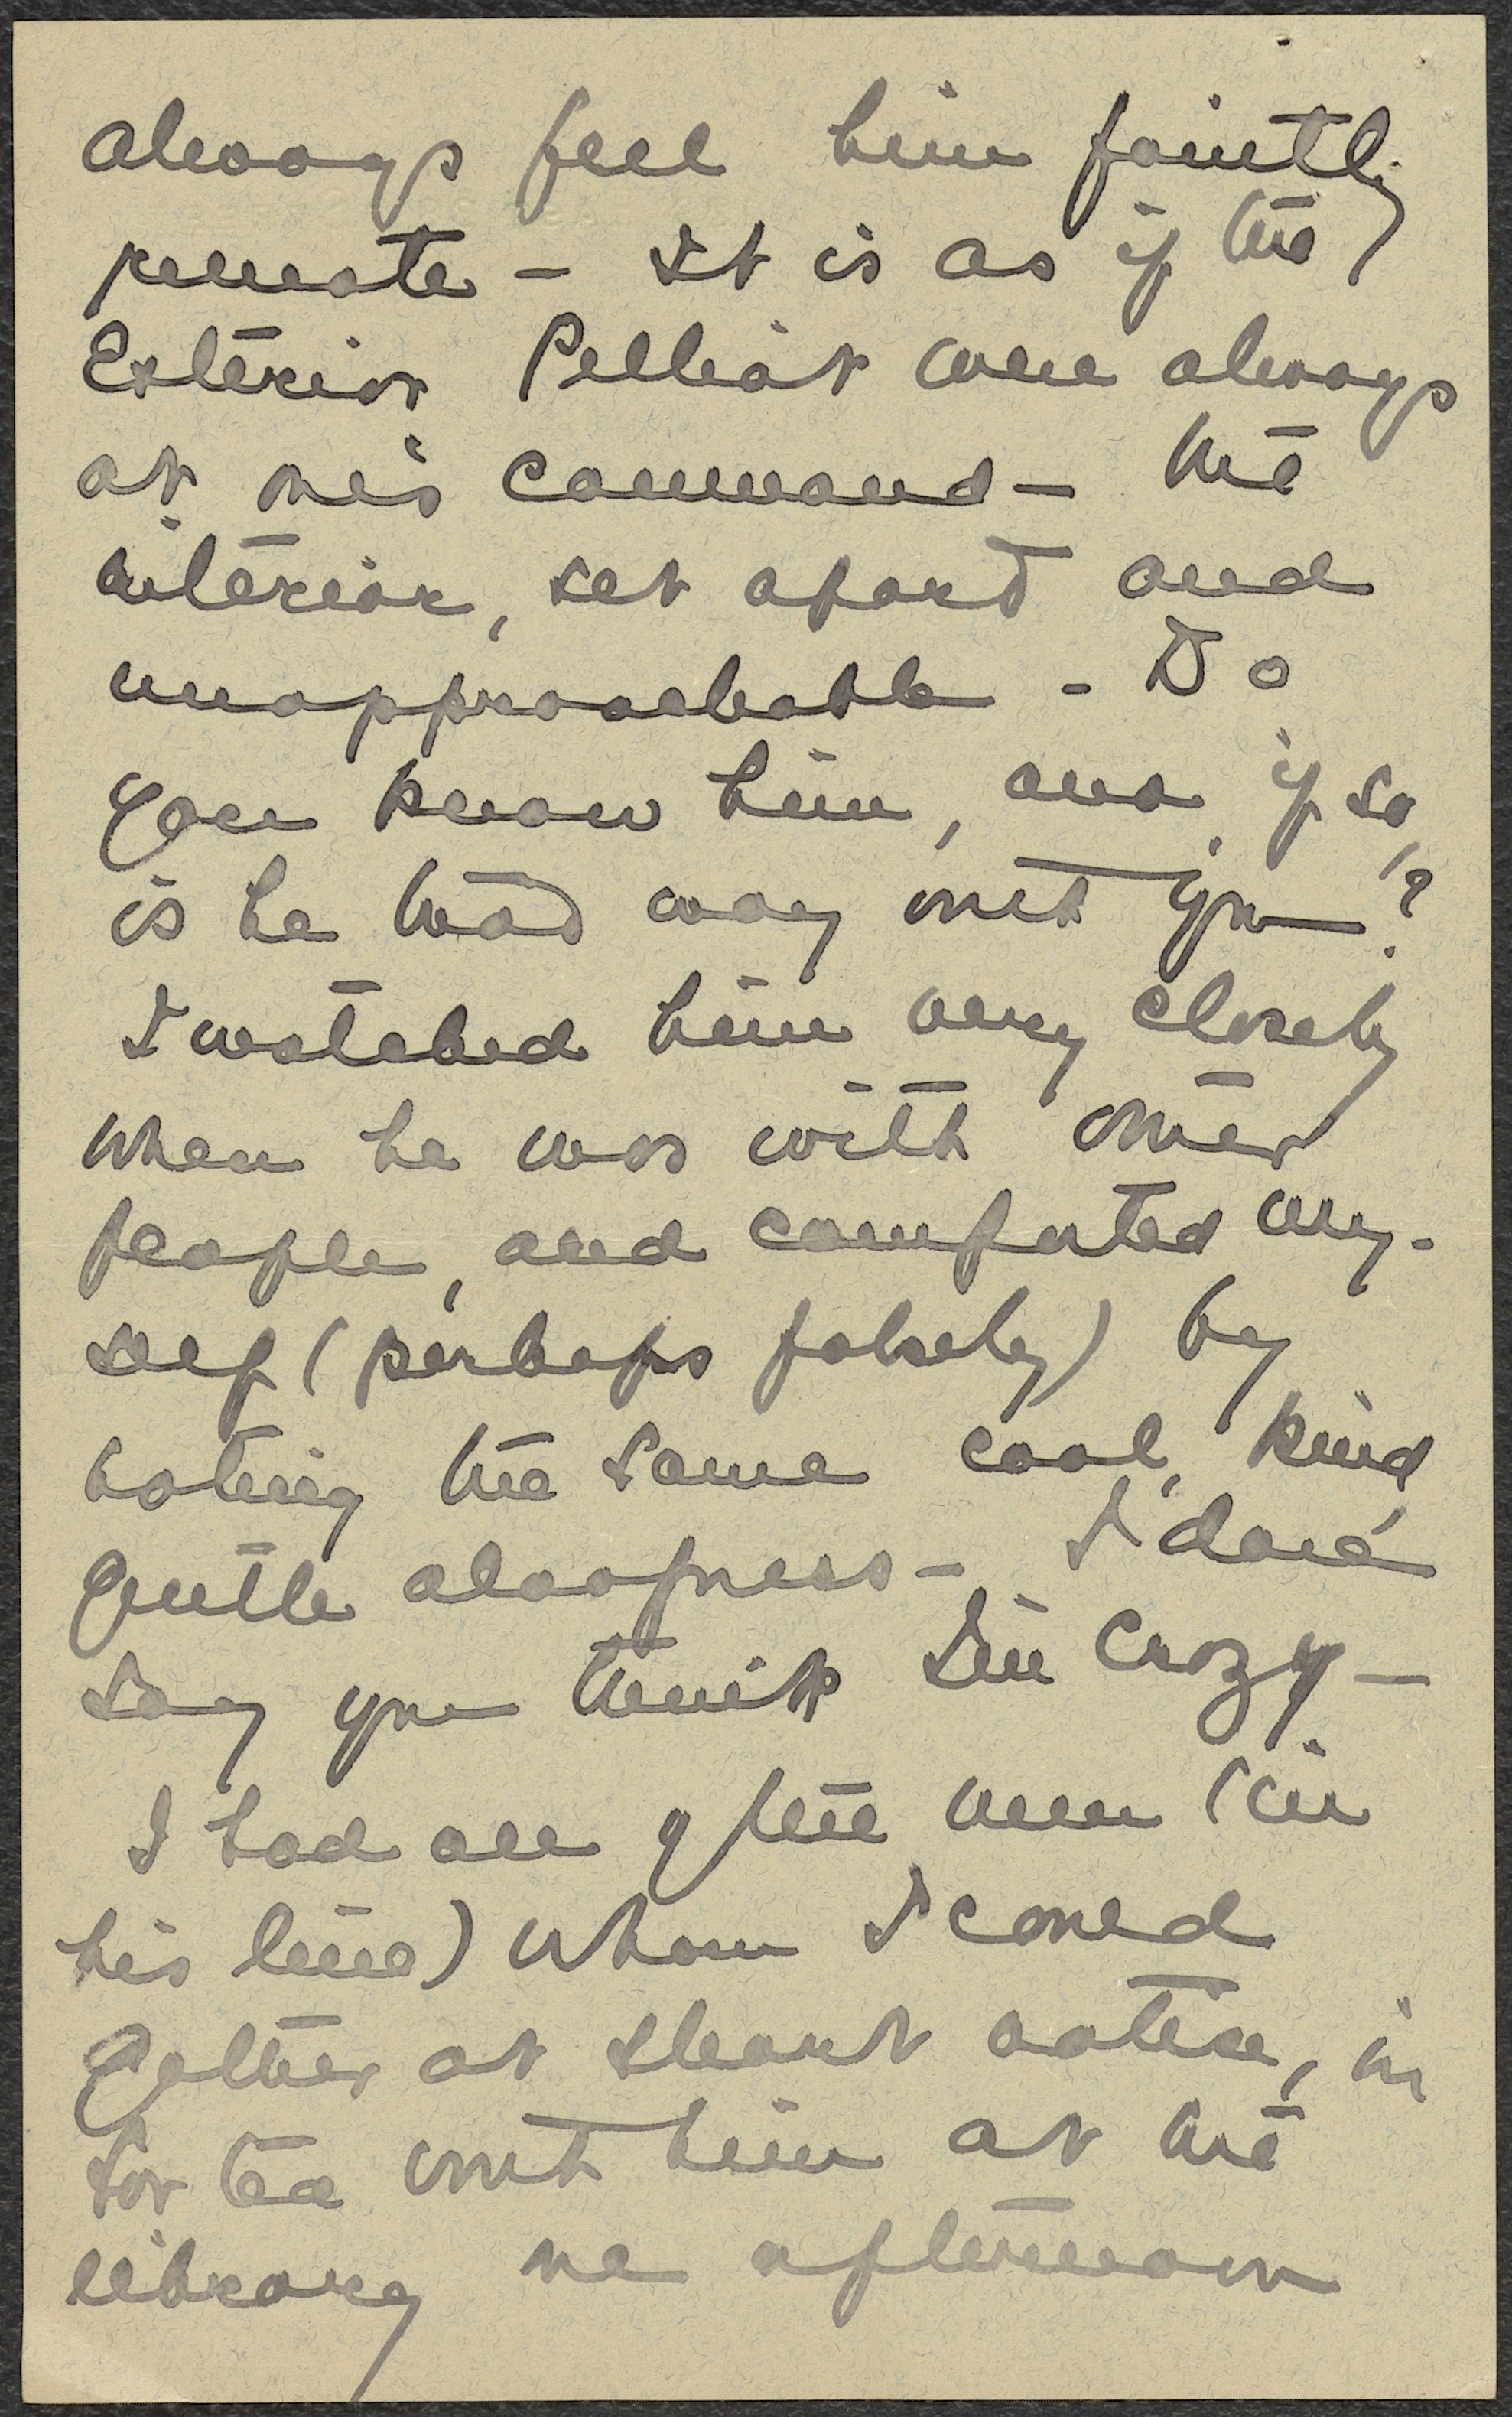always feel him faintly remote – It is as if the exterior Pelliot were always at one’s command – the interior, set apart and unapproachable – Do you know him, and if so, is he that way with you? I watched him very closely when he was with other people, and comforted myself (perhaps falsely) by noting the same cool, kind, gentle aloofness – I dare say you think I’m crazy –
I had all of the men (in his line) whom I could gather at short notice, in for tea with him at the library one afternoon